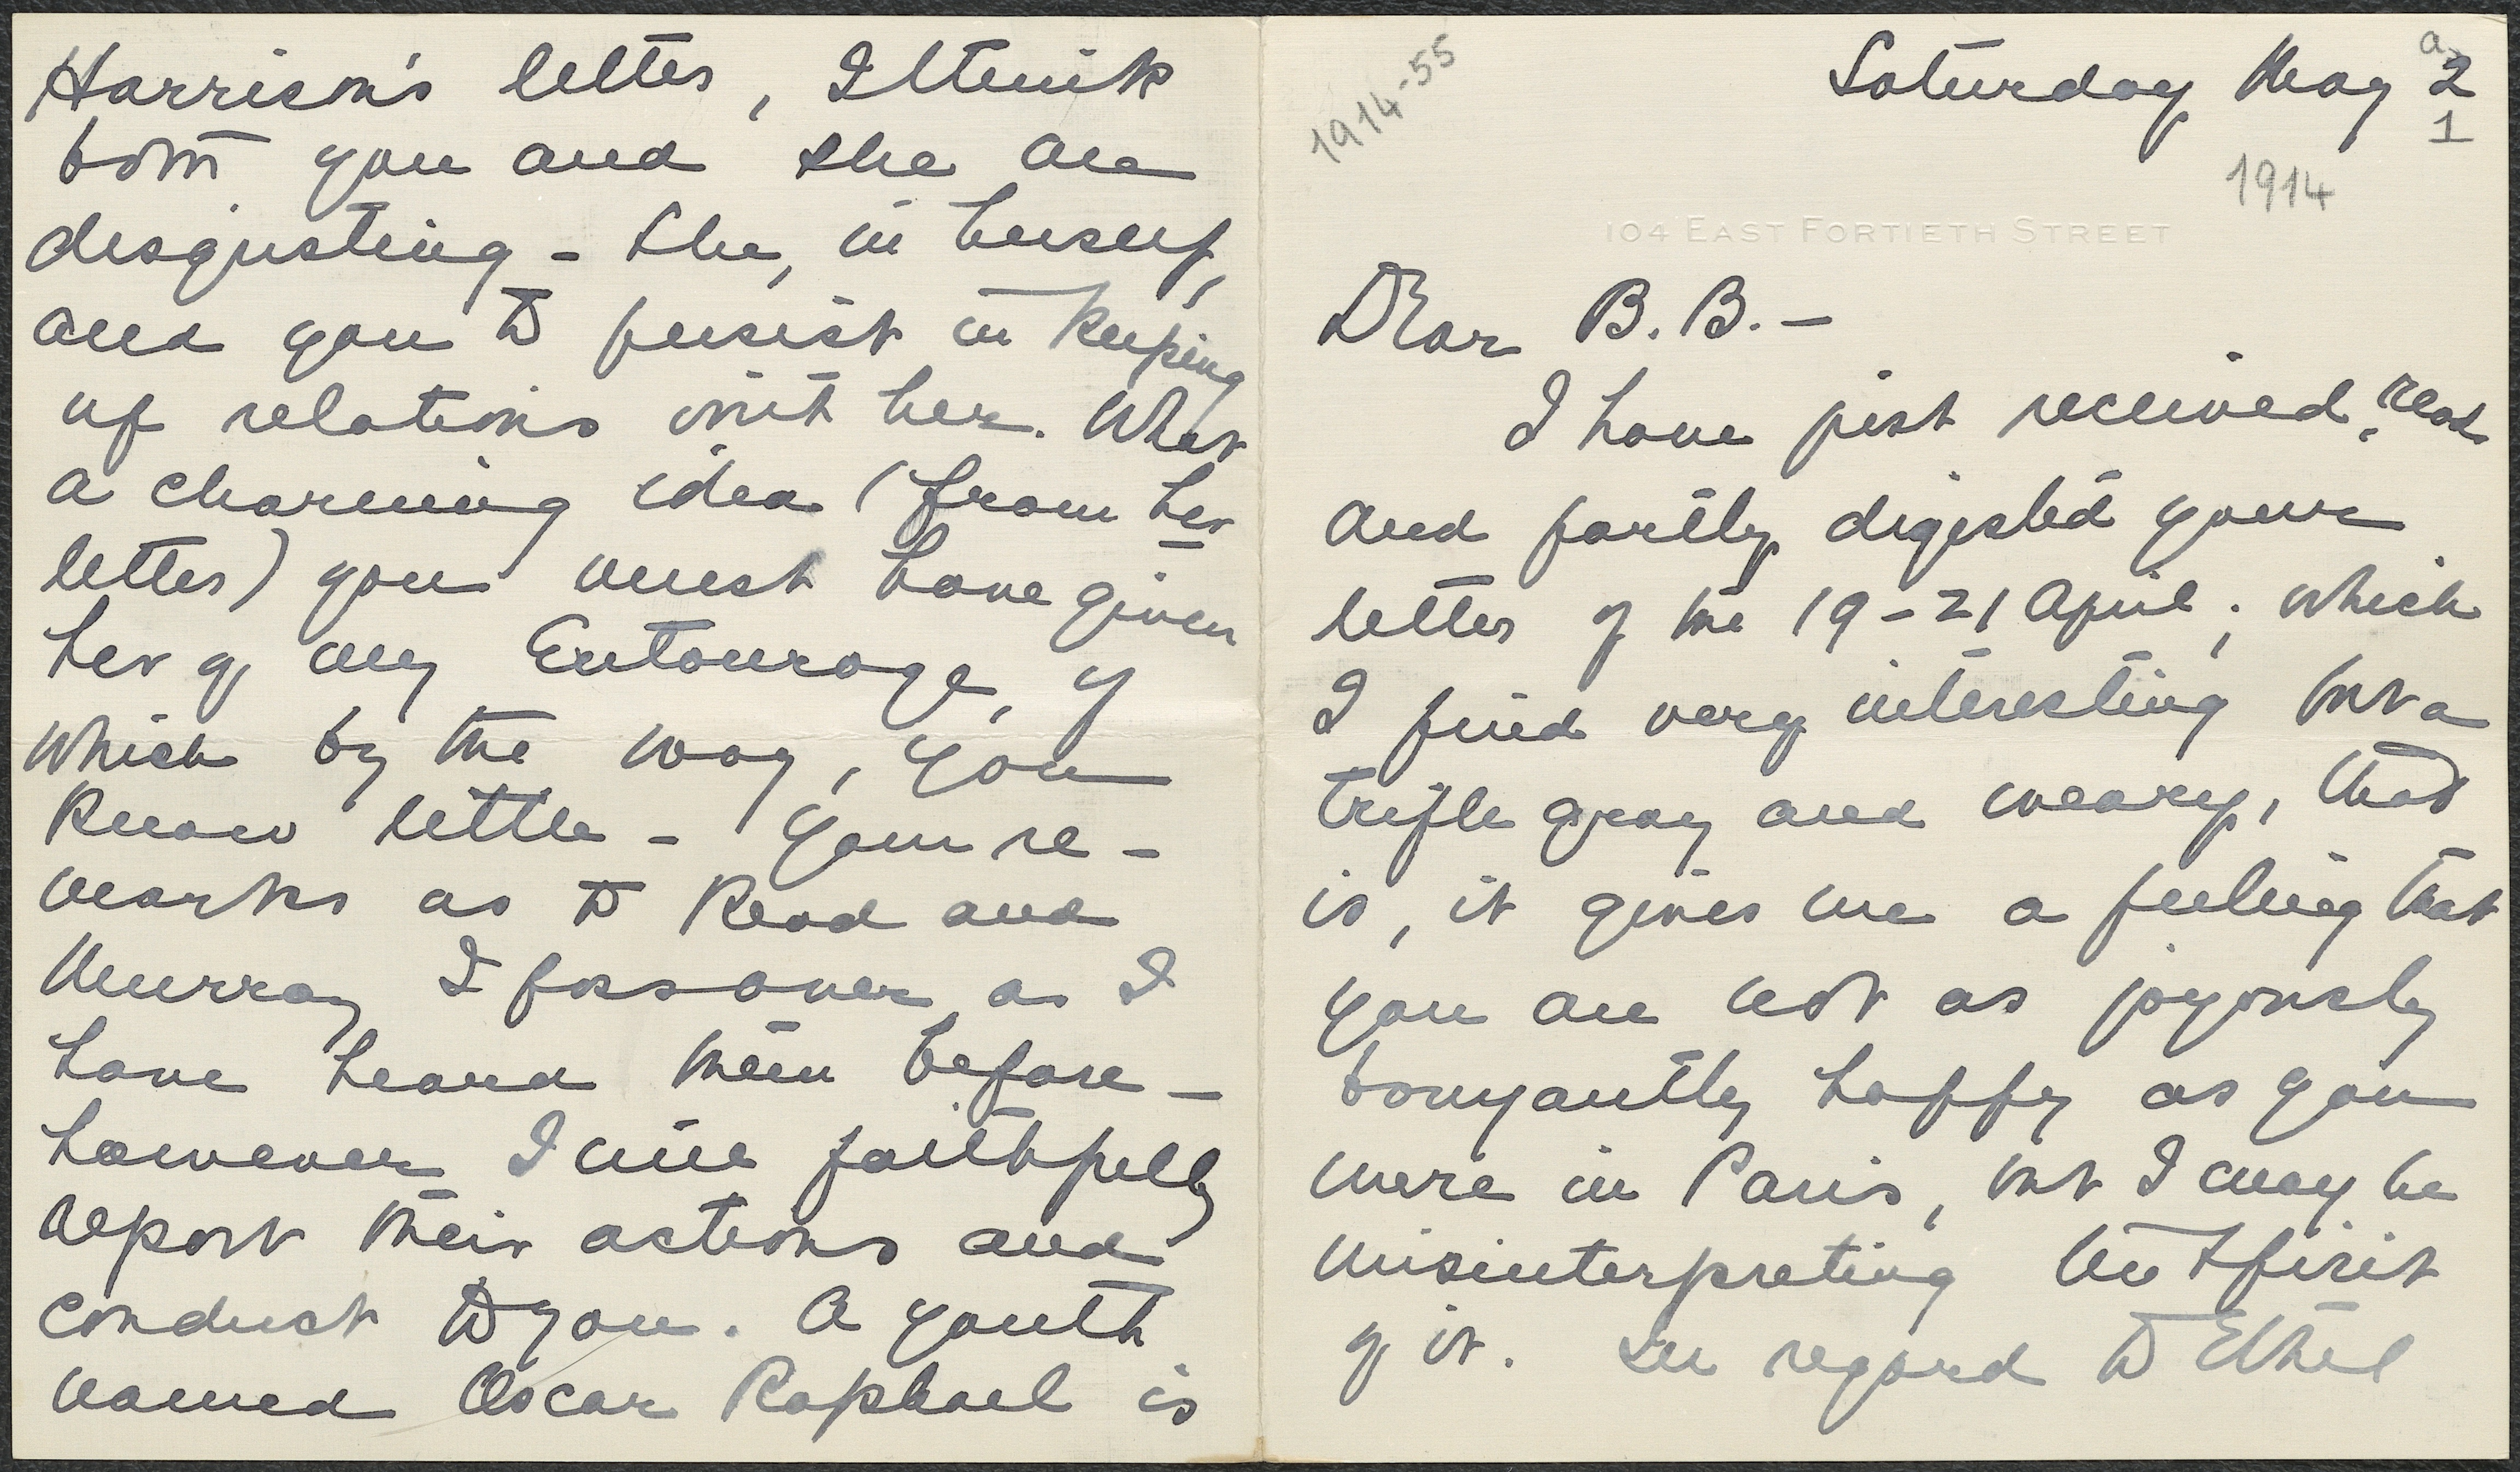Saturday May 2
Dear B.B. –
I have just received, read, and partly digested your letter of the 19–21 April; which I find very interesting but a trifle gray and weary, that is, it gives me a feeling that you are not as joyously bouyantly [sic] happy as you were in Paris, but I may be misinterpreting the spirit of it. In regard to Ethel
Harrison's letter, I think both you and she are disgusting – She, in herself, and you to persist in keeping up relations with her. What a charming idea (from her letter) you must have given her of my Entourage, of which by the way, you know little – Your remarks as to Read and Murray I pass over as I have heard them before – however I will faithfully report their actions and conduct to you. A youth named Oscar Raphael is